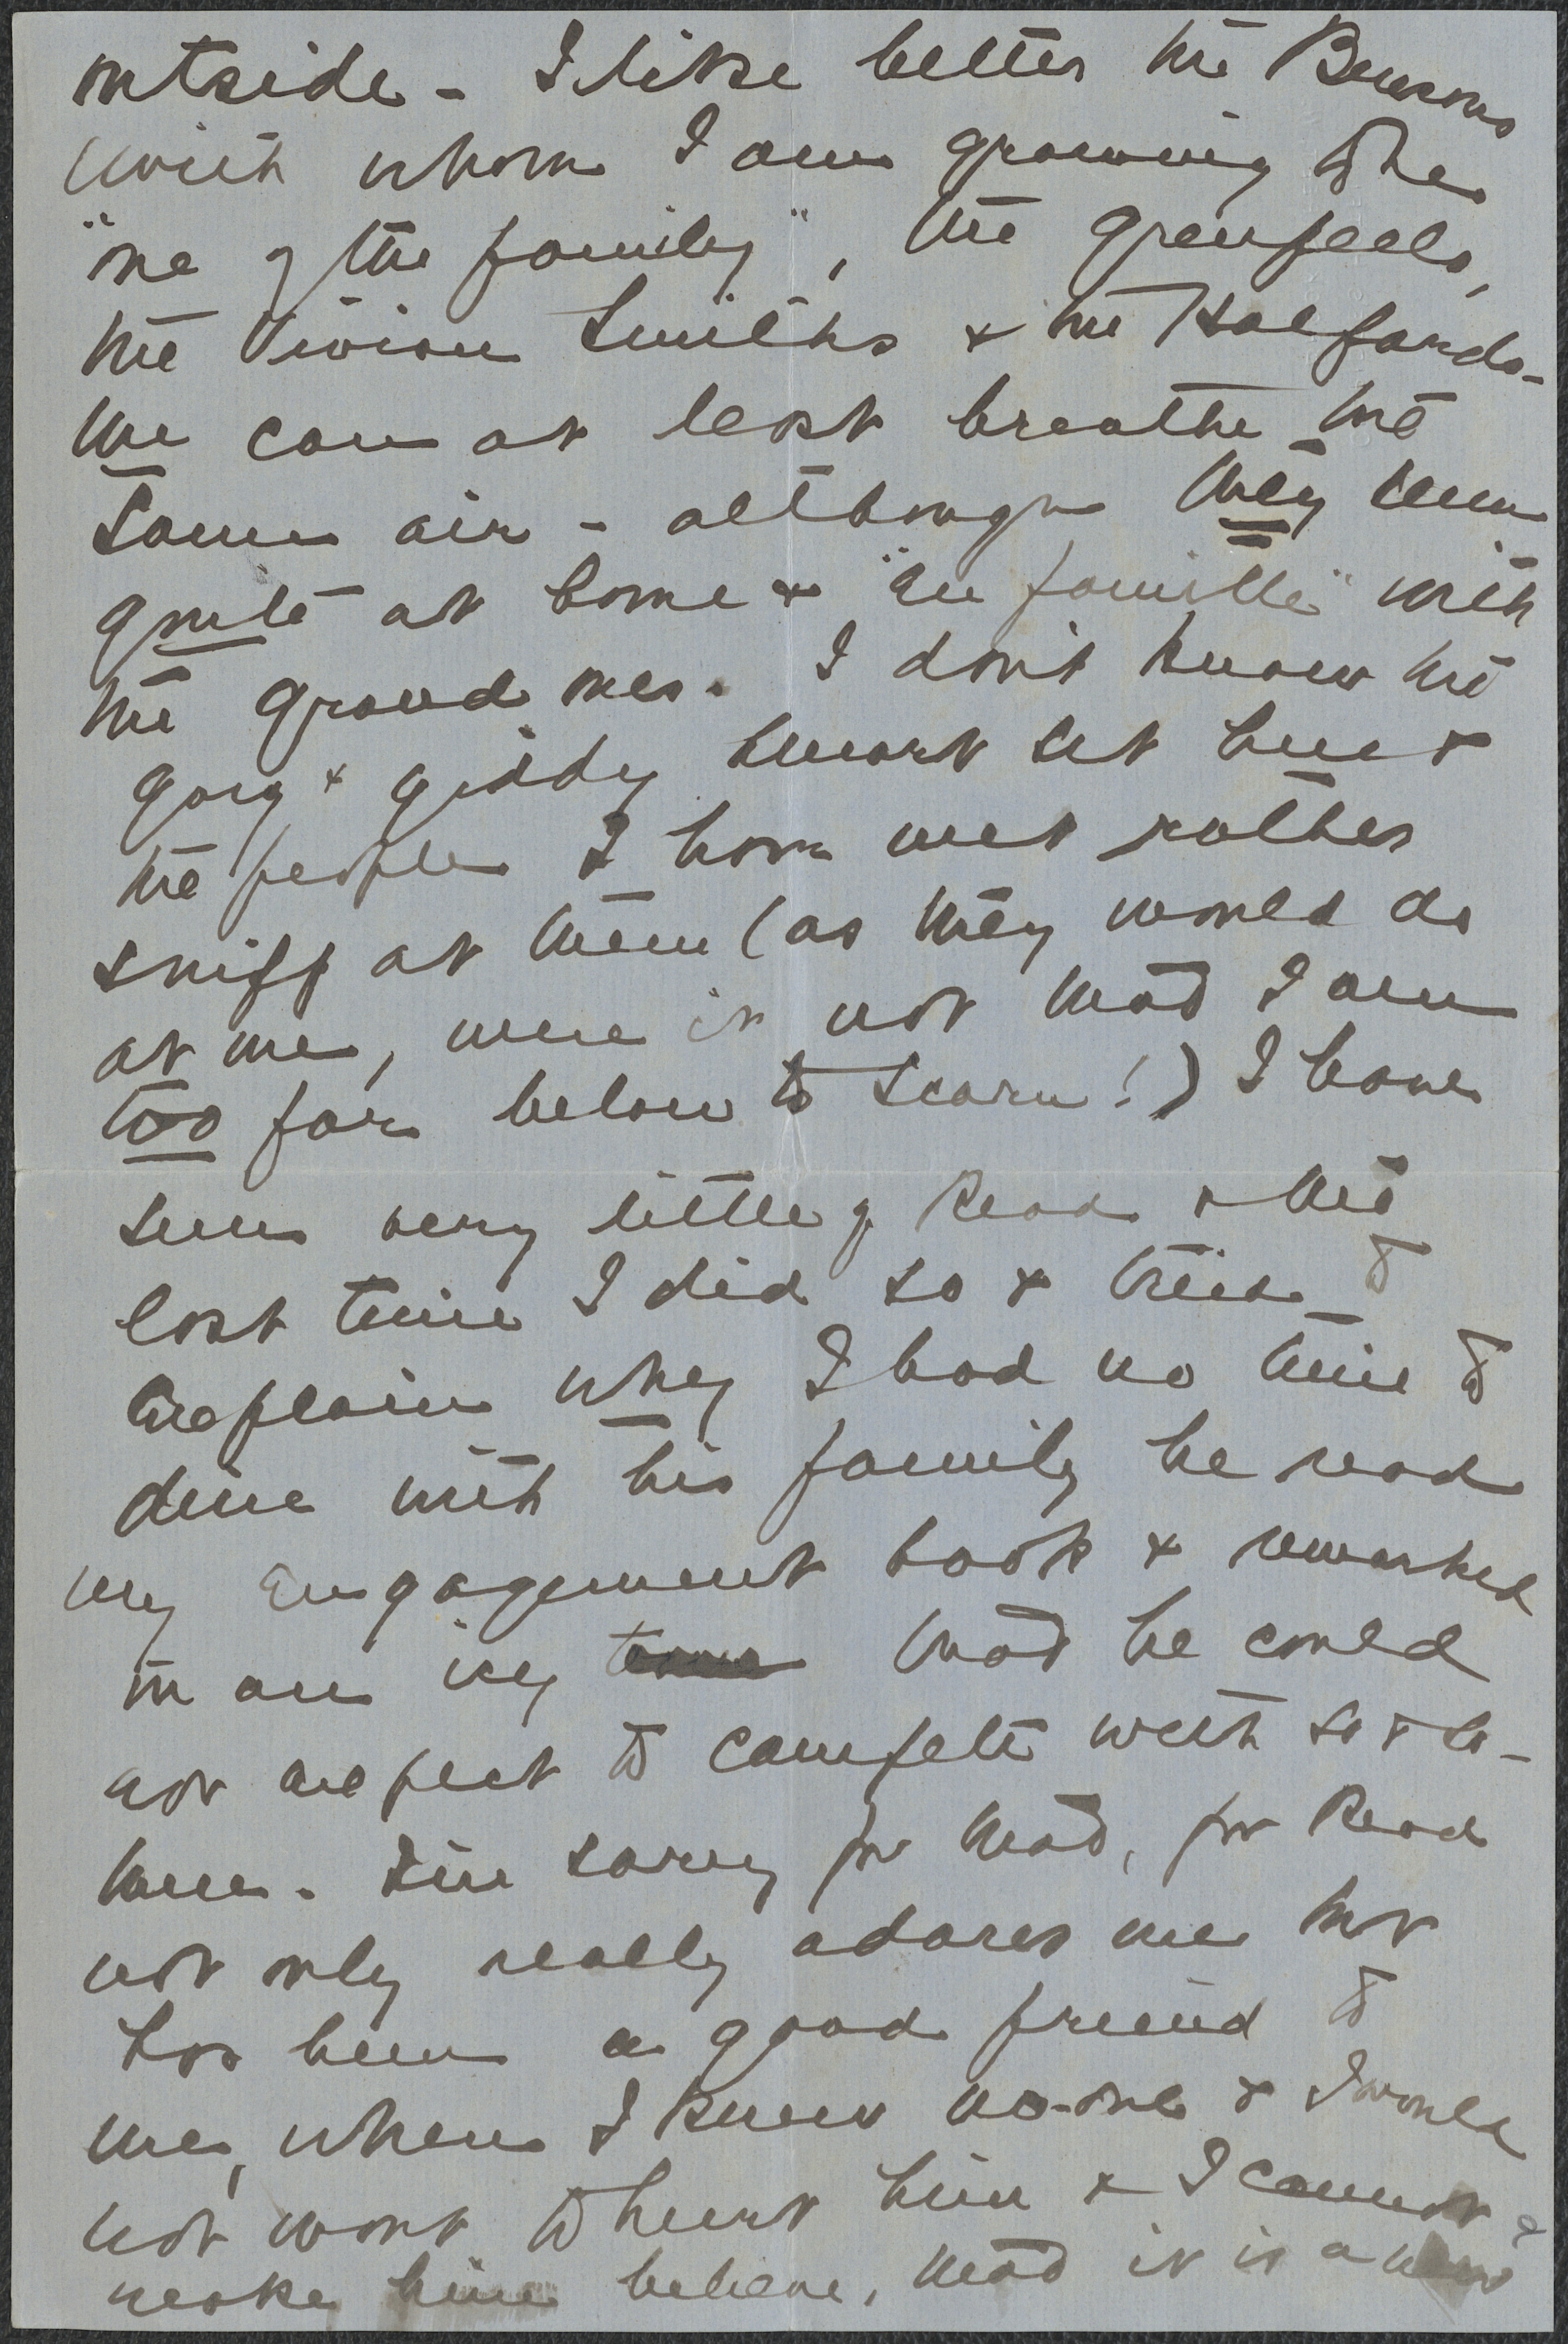outside – I like better the Bensons with whom I am growing to be “one of the family”, the Grenfells, the Vivian Smiths & the Holfords – we can at least breathe the same air – although [double underlined: they] seem quite at home & “en famille” with the grand ones & I don’t know the gay & giddy smart set here & the people I have met rather sniff at them (as they would do at me, were it not that I am too far below to scorn!) I have seen very little of Read & the last time I did so & tried to explain why I had no time to dine with his family he read my engagement book & remarked in an icy tone that he could not expect to compete with so & so – Well – I’m sorry for that, for Read not only really adores me but has been a good friend to me, when I knew no-one & I would not want to hurt him & I cannot & make him believe, that it is a new